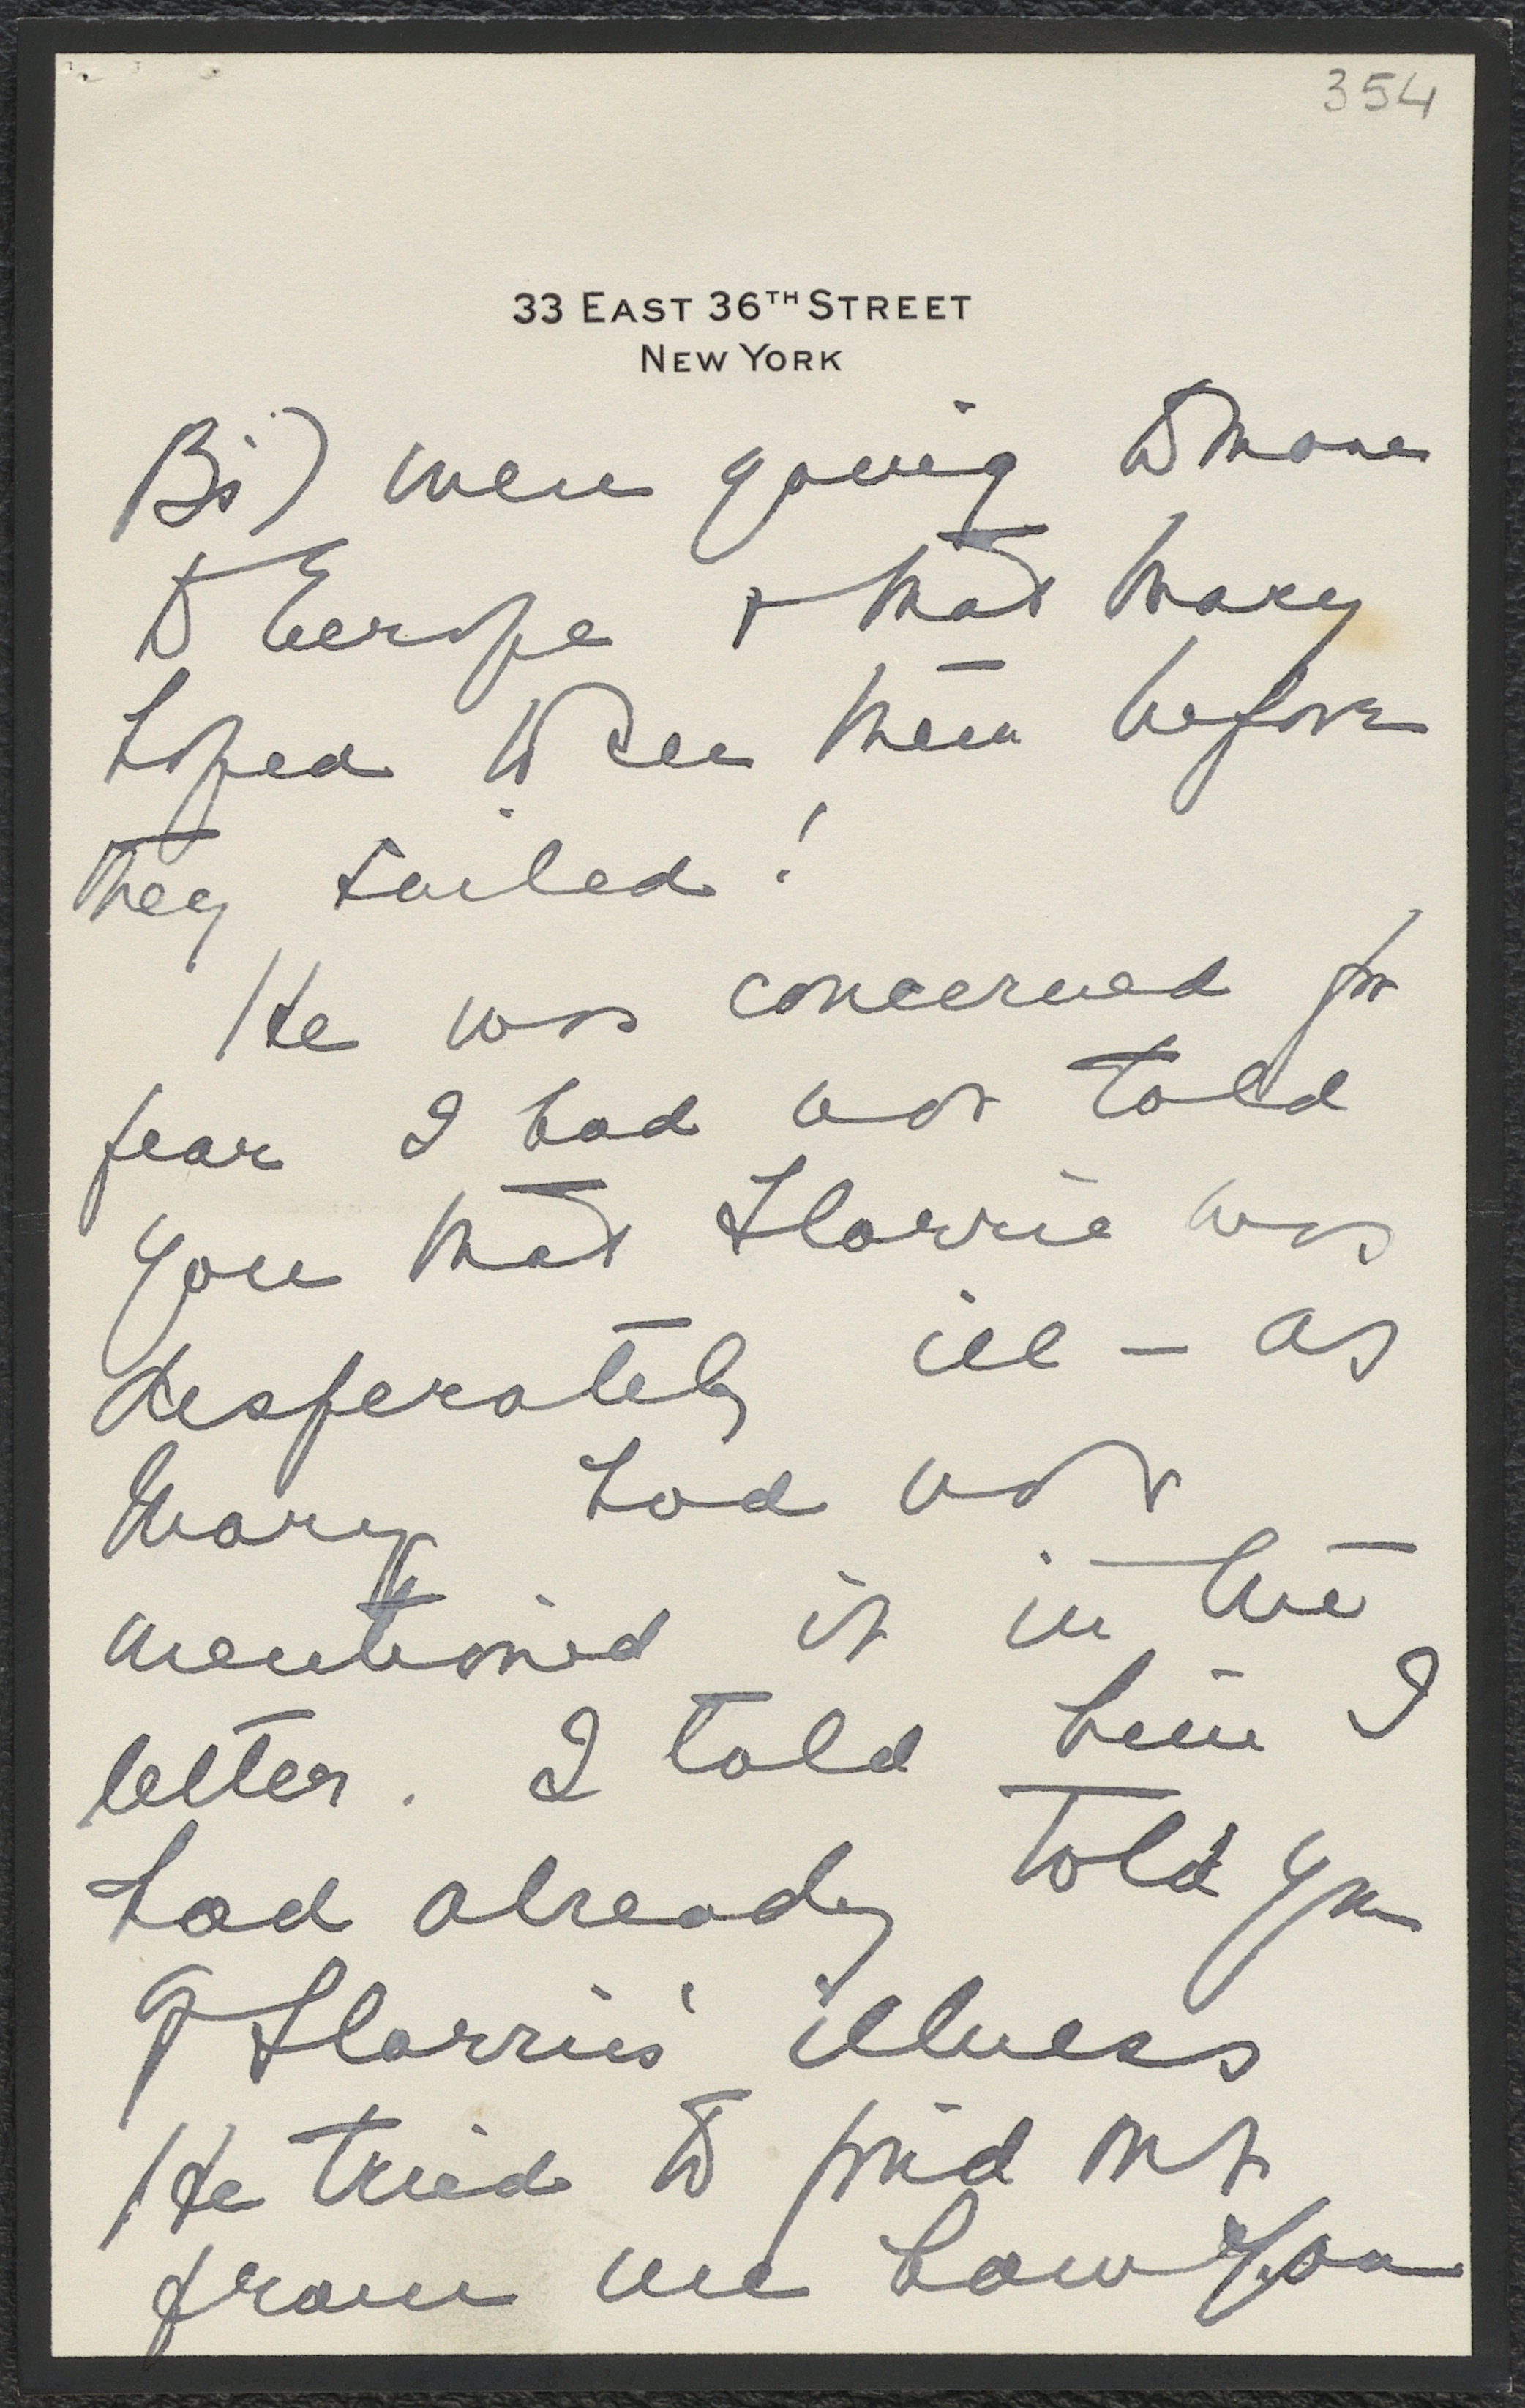B’s) were going to move to Europe & that Mary hoped to see them before they sailed!
He was concerned for fear I had not told you that Florrie was desperately ill – as Mary had not mentioned it in the letter. I told him I had already told you of Florrie’s illness
He tried to find out from me how you